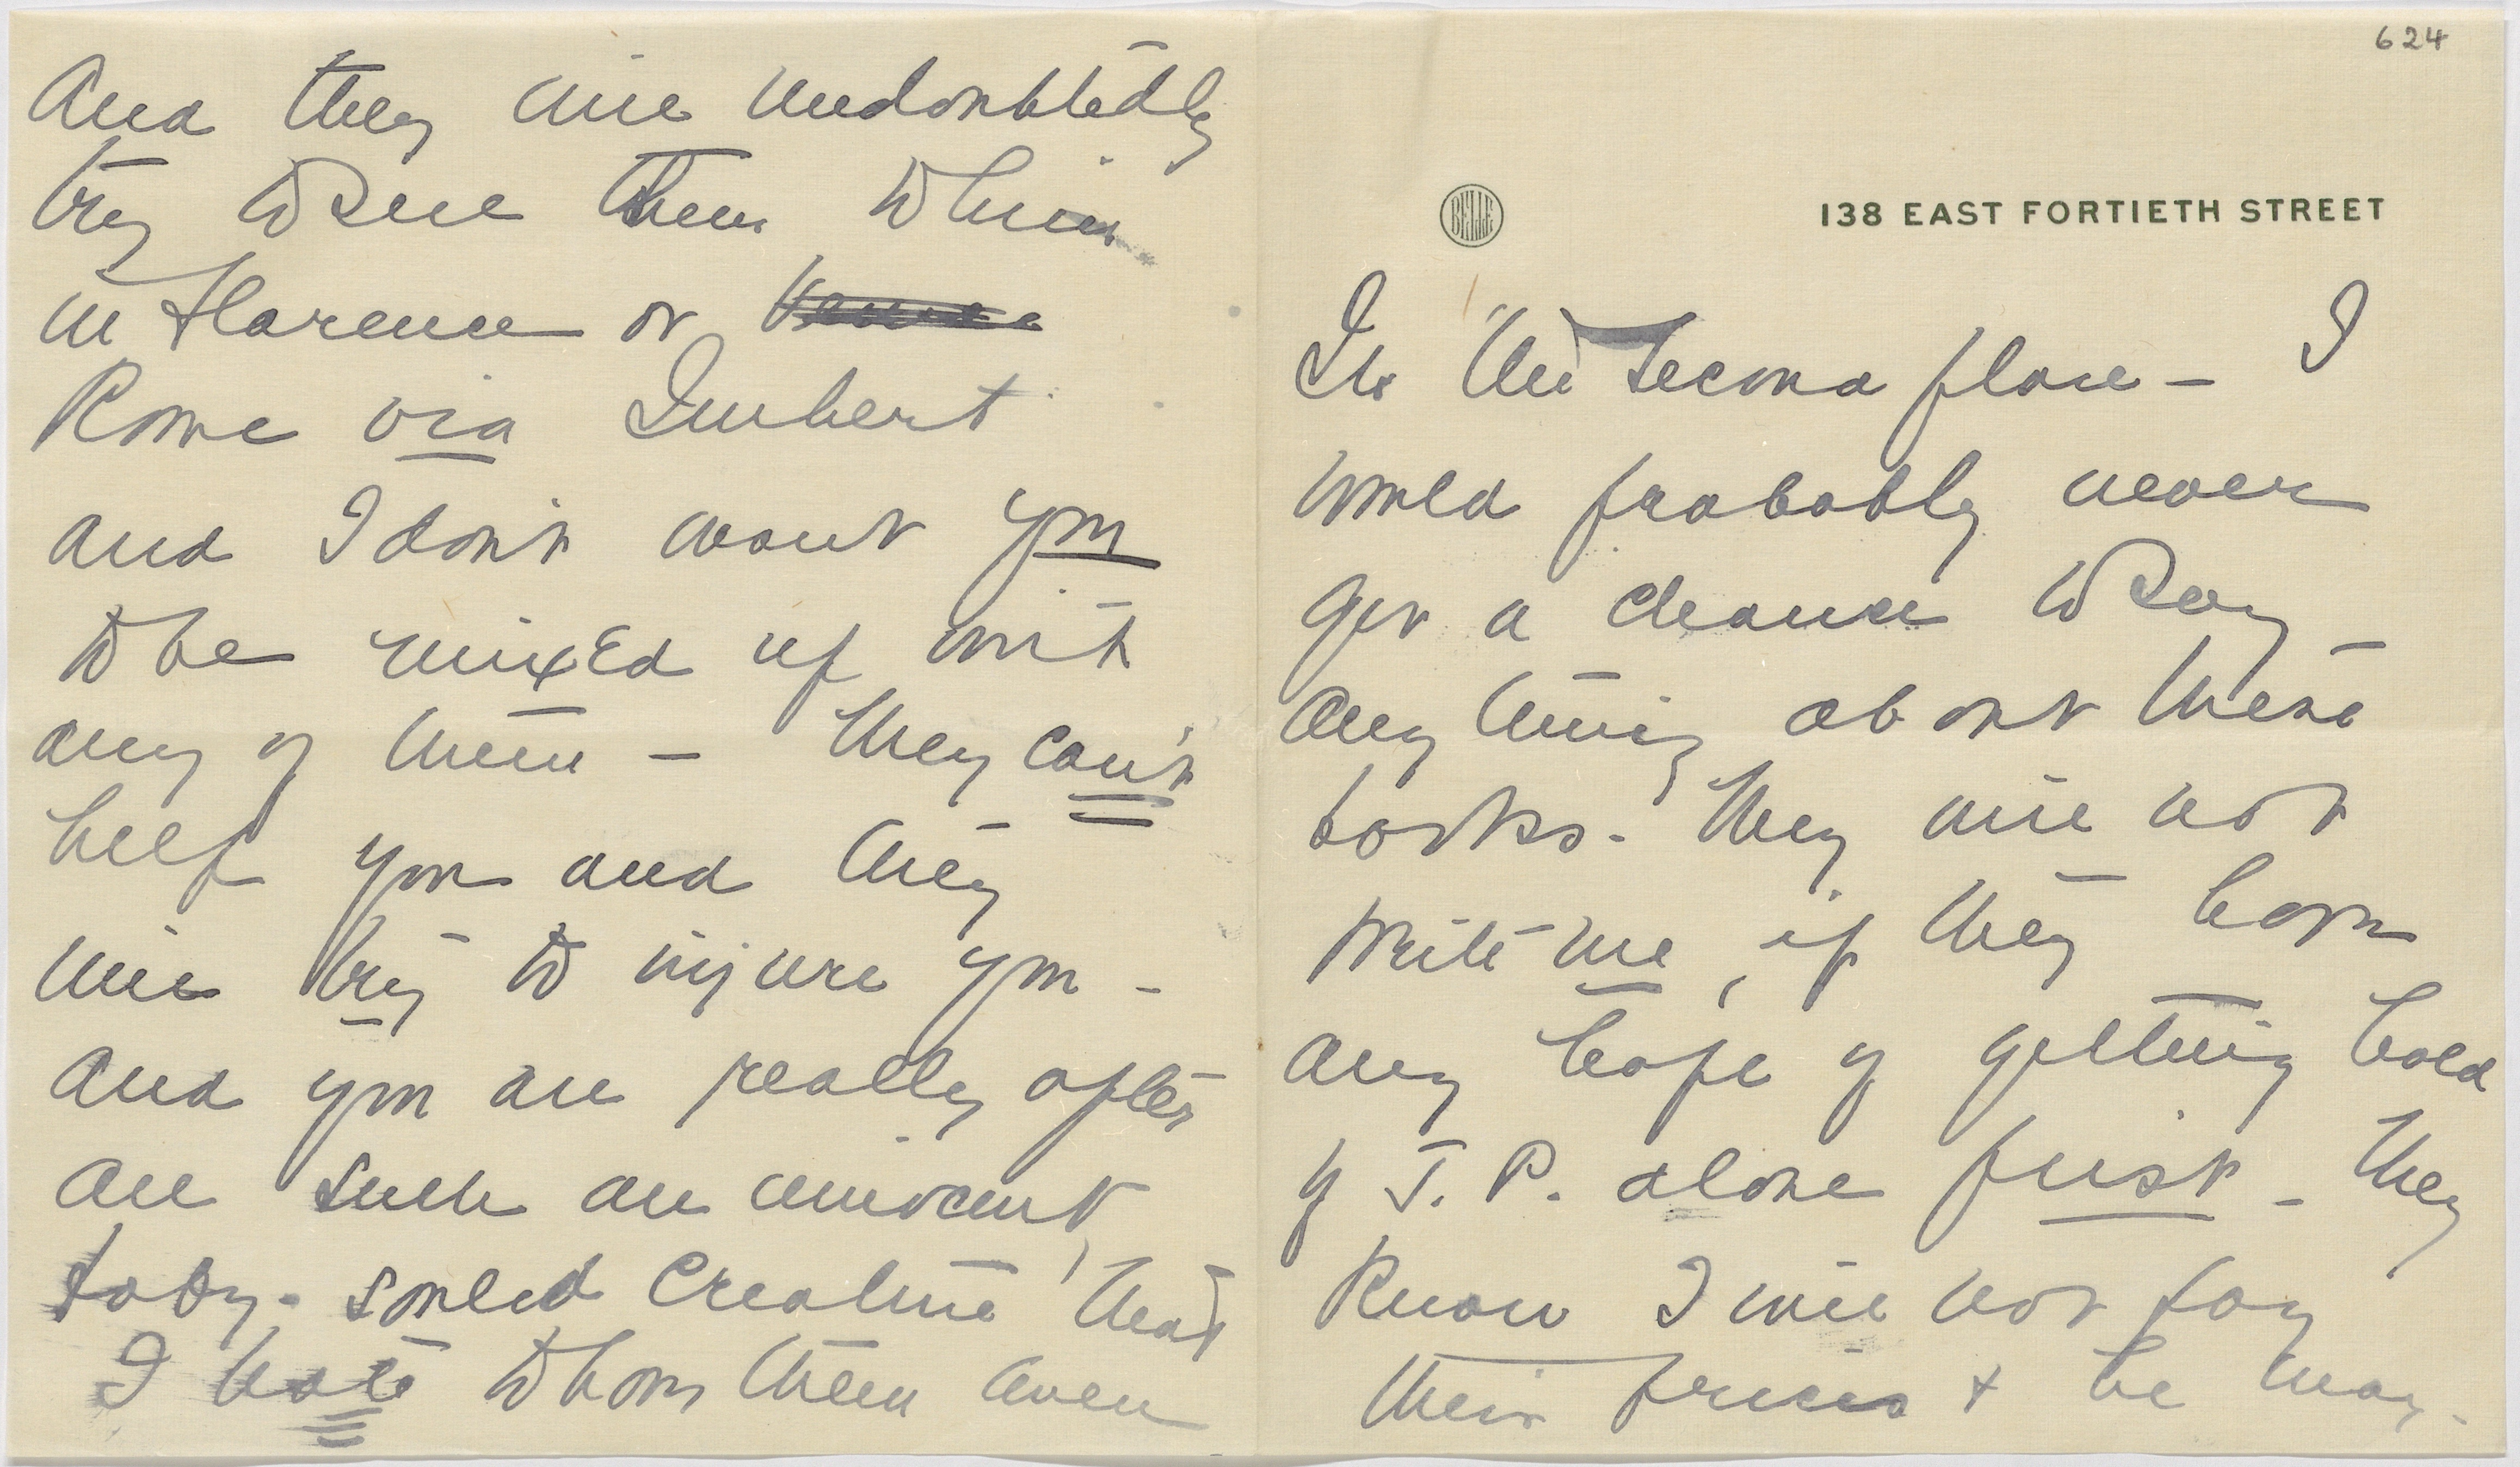In the second place – I would probably never get a chance to say any thing about these books. They will not write me, if they have any hope of getting hold of J. P. alone first – They know I will not pay their prices & he may –
And they will undoubtedly try to sell them to him in Florence or Venice Rome via Imbert and I don’t want you to be mixed up with any of them – they [double underlined: can’t] help you and they will try to injure you – and you are really after all such an innocent, baby-souled creature that I [double underlined: hate] to have them even